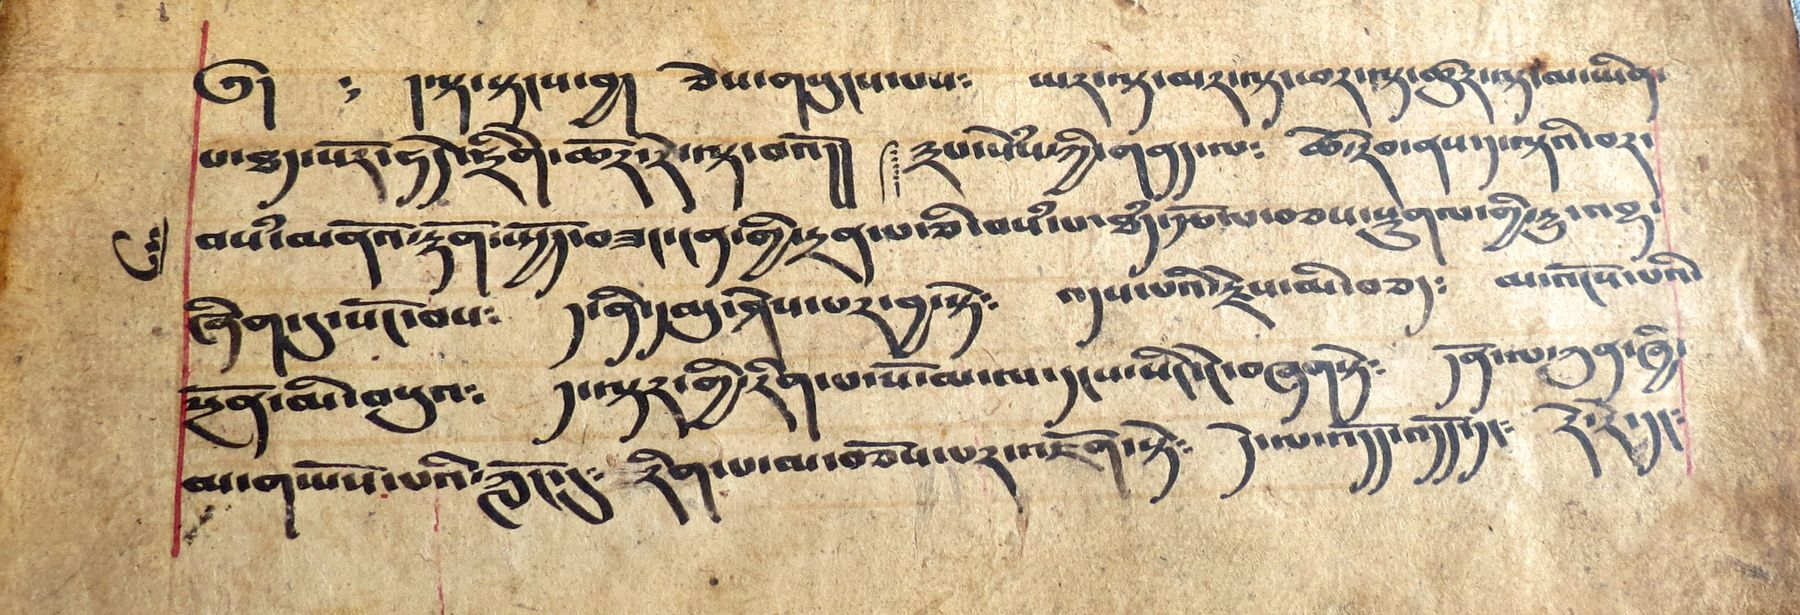ལྟ་སྟངས་བྱ། ཞེས་གསུངས་པས། ཡར་ལྟ་མར་ལྟ། ཕར་ལྟ་ཚུར་ལྟ་མ་ཡིན་
པ་ཐད་སོར་ཧད་དེ་ཧྲིག་གེ་ཅེར་རེ་ལྟ་བའོ། ། གསུམ་པ་སེམས་ཀྱི་གནད་ལ་ཚེ་རབས་ནས་ད་ལྟའི་བར། 
བསམ་མནོ། རྟོག་དཔྱོད་བཟང་ངན་གྱི་དྲན་པ་ཅི་བསམ་པ་ཐམས་ཅད་སྩོལ་བཅས་སྡུག་བསྔལ་གྱི་རྒྱུ་འབའ་
ཞིག་ཏུ་སོང་བས། ད་ནི་དམུས་ཤེས་པར་བྱ་སྟེ། འདས་པའི་རྗེས་མི་གཅོད། མ་འོངས་པའི་
སྔོན་མི་བསུ། ད་ལྟ་བའི་རིག་པ་སོ་མ་ལ་དངས་སིང་ངེ་བཞག་སྟེ། དོན་ལ་ཀུན་གཞི་
མ་གཡོས་པའི་ཀློང་དུ་རིག་པ་མ་བཅོས་པར་འཇོག་སྟེ། དེ་ལ་འདོད། འདོད་དང་། རེ་རེ་དང་།